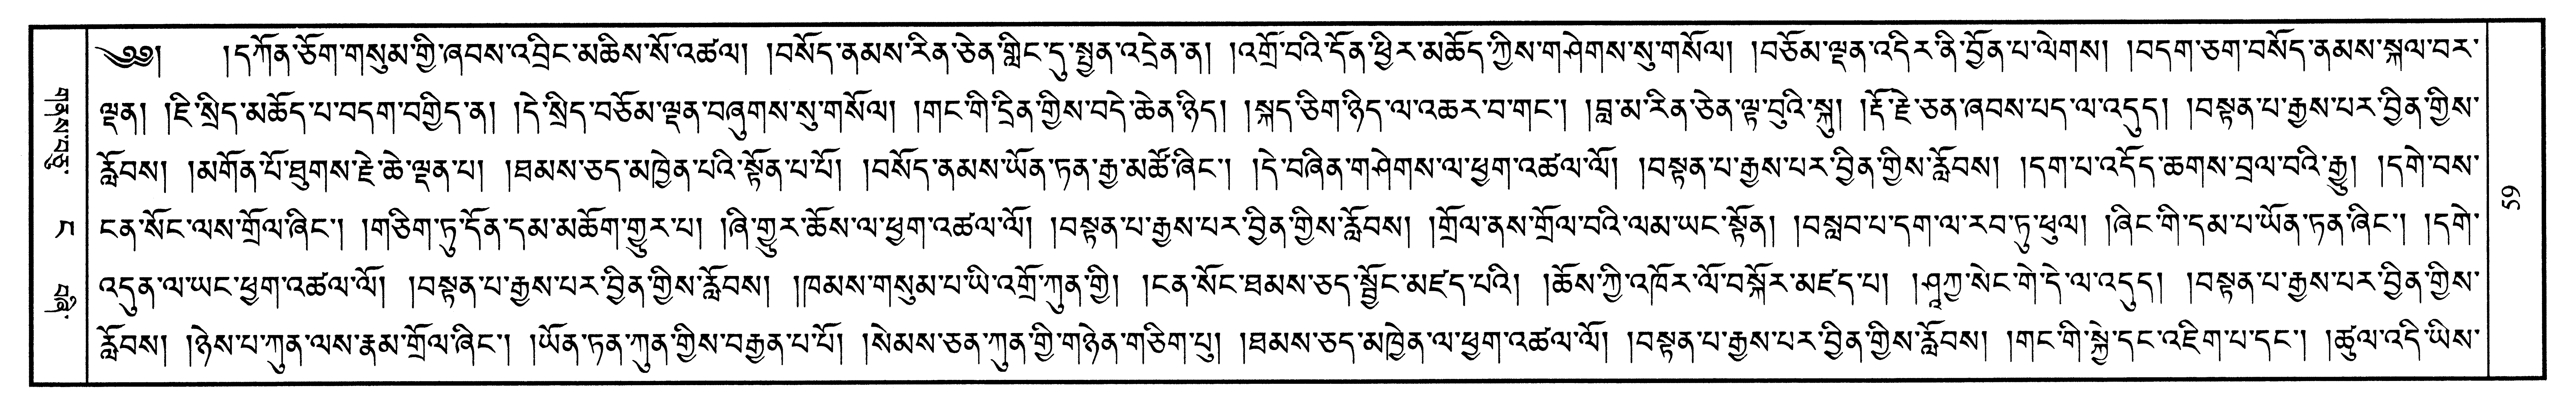༄༅། །དཀོན་ཅོག་གསུམ་གྱི་ཞབས་འབྲིང་མཆིས་སོ་འཚལ། །བསོད་ནམས་རིན་ཅེན་གླིང་དུ་སྤྱན་འདྲེན་ན། །འགྲོ་བའི་དོན་ཕྱིར་མཆོད་ཀྱིས་གཤེགས་སུ་གསོལ། །བཅོམ་ལྡན་འདིར་ནི་བྱོན་པ་ལེགས། །བདག་ཅག་བསོད་ནམས་སྐལ་བར་
ལྡན། །ཇི་སྲིད་མཆོད་པ་བདག་བགྱིད་ན། །དེ་སྲིད་བཅོམ་ལྡན་བཞུགས་སུ་གསོལ། །གང་གི་དྲིན་གྱིས་བདེ་ཆེན་ཉིད། །སྐད་ཅིག་ཉིད་ལ་འཆར་བ་གང་། །བླ་མ་རིན་ཅེན་ལྟ་བུའི་སྐུ། །རྡོ་རྗེ་ཅན་ཞབས་པད་ལ་འདུད། །བསྟན་པ་རྒྱས་པར་བྱིན་གྱིས་
རློབས། །མགོན་པོ་ཐུགས་རྗེ་ཆེ་ལྡན་པ། །ཐམས་ཅད་མཁྱེན་པའི་སྟོན་པ་པོ། །བསོད་ནམས་ཡོན་ཏན་རྒྱ་མཚོ་ཞིང་། །དེ་བཞིན་གཤེགས་ལ་ཕྱག་འཚལ་ལོ། །བསྟན་པ་རྒྱས་པར་བྱིན་གྱིས་རློབས། །དག་པ་འདོད་ཆགས་བྲལ་བའི་རྒྱུ། །དགེ་བས་
ངན་སོང་ལས་གྲོལ་ཞིང་། །གཅིག་ཏུ་དོན་དམ་མཆོག་གྱུར་པ། །ཞི་གྱུར་ཆོས་ལ་ཕྱག་འཚལ་ལོ། །བསྟན་པ་རྒྱས་པར་བྱིན་གྱིས་རློབས། །གྲོལ་ནས་གྲོལ་བའི་ལམ་ཡང་སྟོན། །བསླབ་པ་དག་ལ་རབ་ཏུ་ཕུལ། །ཞིང་གི་དམ་པ་ཡོན་ཏན་ཞིང་། །དགེ་
འདུན་ལ་ཡང་ཕྱག་འཚལ་ལོ། །བསྟན་པ་རྒྱས་པར་བྱིན་གྱིས་རློབས། །ཁམས་གསུམ་པ་ཡི་འགྲོ་ཀུན་གྱི། །ངན་སོང་ཐམས་ཅད་སྦྱོང་མཛད་པའི། །ཆོས་ཀྱི་འཁོར་ལོ་བསྐོར་མཛད་པ། །ཤཱཀྱ་སེང་གེ་དེ་ལ་འདུད། །བསྟན་པ་རྒྱས་པར་བྱིན་གྱིས་
རློབས། །ཉེས་པ་ཀུན་ལས་རྣམ་གྲོལ་ཞིང་། །ཡོན་ཏན་ཀུན་གྱིས་བརྒྱན་པ་པོ། །སེམས་ཅན་ཀུན་གྱི་གཉེན་གཅིག་པུ། །ཐམས་ཅད་མཁྱེན་ལ་ཕྱག་འཚལ་ལོ། །བསྟན་པ་རྒྱས་པར་བྱིན་གྱིས་རློབས། །གང་གི་སྐྱེ་དང་འཇིག་པ་དང་། །ཚུལ་འདི་ཡིས་